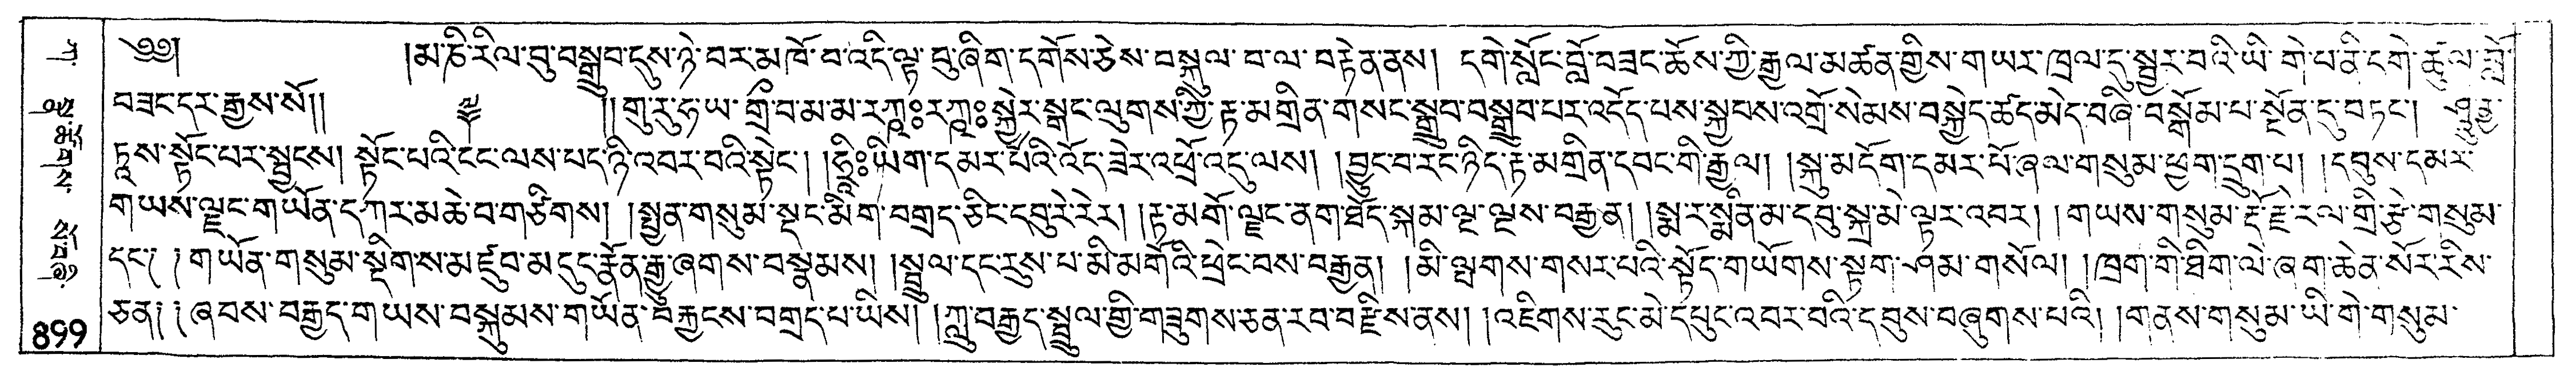༄༅། །མ་ཎི་རིལ་བུ་བསྒྲུབ་དུས་ཉེ་བར་མཁོ་བ་འདི་ལྟ་བུ་ཞིག་དགོས་ཅེས་བསྐུལ་བ་ལ་བརྟེན་ནས། དགེ་སློང་བློ་བཟང་ཆོས་ཀྱི་རྒྱལ་མཚན་གྱིས་གཡར་ཁྲལ་དུ་སྦྱར་བའི་ཡི་གེ་པ་ནི་དགེ་ཚུལ་བློ་
བཟང་དར་རྒྱས་སོ།། ༈ །།གུ་རུ་ཧ་ཡ་གྲྀ་བ་མ་མ་རཀྵཿ རཀྵཿ སྐྱེར་སྒང་ལུགས་ཀྱི་རྟ་མགྲིན་གསང་སྒྲུབ་བསྒྲུབ་པར་འདོད་པས་སྐྱབས་འགྲོ་སེམས་བསྐྱེད་ཚད་མེད་བཞི་བསྒོམ་པ་སྔོན་དུ་བཏང་། ཤཱུ་ནྱ་
ཏཱས་སྟོང་པར་སྦྱངས། སྟོང་པའི་ངང་ལས་པད་ཉི་འབར་བའི་སྟེང་། །ཧྲཱིཿ ཡིག་དམར་པོའི་འོད་ཟེར་འཕྲོ་འདུ་ལས། །བྱུང་བ་རང་ཉིད་རྟ་མགྲིན་དབང་གི་རྒྱལ། །སྐུ་མདོག་དམར་པོ་ཞལ་གསུམ་ཕྱག་དྲུག་པ། །དབུས་དམར་
གཡས་ལྗང་གཡོན་དཀར་མཆེ་བ་གཙིགས། །སྤྱན་གསུམ་སྡང་མིག་བགྲད་ཅིང་དབུ་རེ་རེར། །རྟ་མགོ་ལྗང་ནག་ཐོད་སྐམ་ལྔ་ལྔས་བརྒྱན། །སྨ་ར་སྨིན་མ་དབུ་སྐྲ་མེ་ལྟར་འབར། །གཡས་གསུམ་རྡོ་རྗེ་རལ་གྲི་རྩེ་གསུམ་
དང༑ ༑གཡོན་གསུམ་སྡིགས་མཛུབ་མདུང་རྣོན་རྒྱུ་ཞགས་བསྣམས། །སྦྲུལ་དང་རུས་པ་མི་མགོའི་ཕྲེང་བས་བརྒྱན། །མི་ལྤགས་གསར་པའི་སྟོད་གཡོགས་སྟག་ཤམ་གསོལ། །ཁྲག་གི་ཐིག་ལེ་ཞག་ཆེན་སོར་རིས་
ཅན༑ ༑ཞབས་བརྒྱད་གཡས་བསྐུམས་གཡོན་བརྐྱངས་བགྲད་པ་ཡིས། །ཀླུ་བརྒྱད་སྦྲུལ་གྱི་གཟུགས་ཅན་རབ་བརྫིས་ནས། །འཇིགས་རུང་མེ་དཔུང་འབར་བའི་དབུས་བཞུགས་པའི། །གནས་གསུམ་ཡི་གེ་གསུམ་